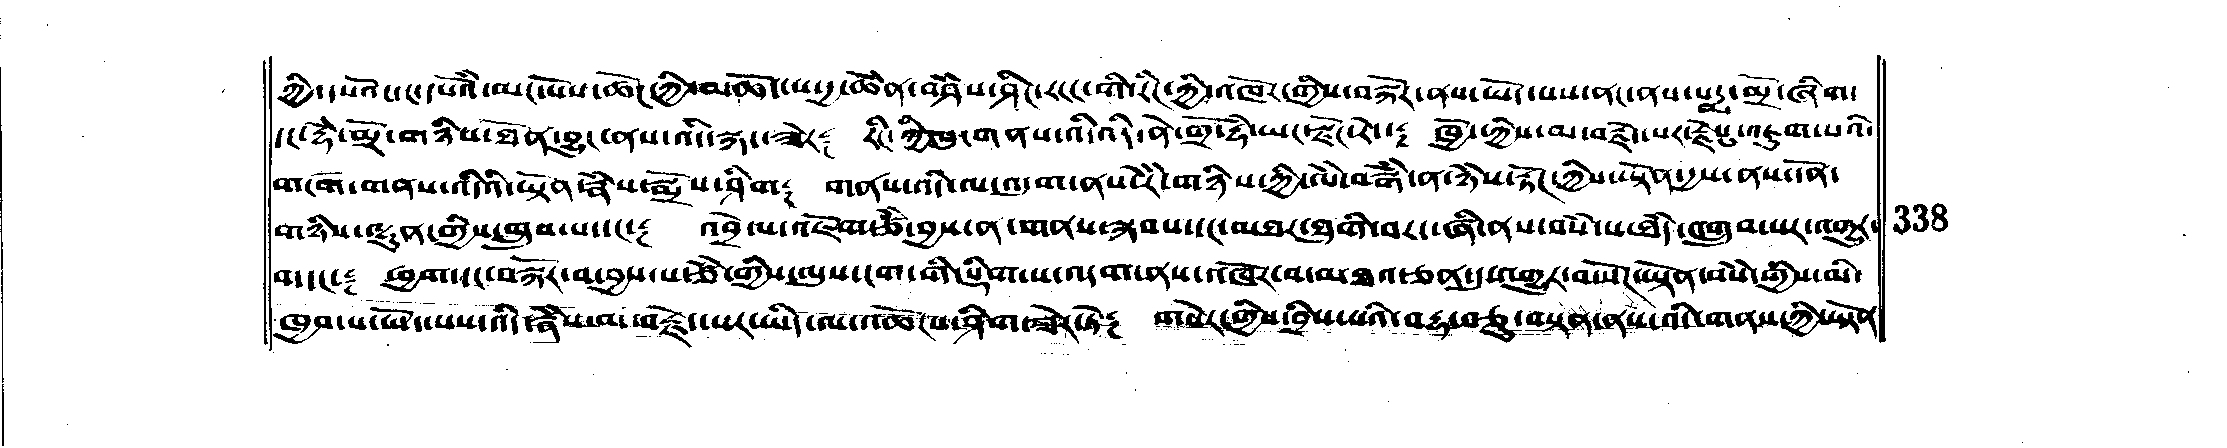ཀྱི་དཔའ་བོ་དང་དཔའ་མོ་མང་པོས་ཚོགས་ཀྱི་མཆོད་པ་རྒྱ་ཆེན་པོ་བཤམས་ཤིང་རང་རང་གི་རིགས་ཀྱི་འཁོར་གྱིས་བསྐོར་ནས་ཡོད་པའི་ནང་ནས་པདྨ་མཁའ་འགྲོ་ཞིག་
དང་རྡོ་རྗེ་མཁའ་འགྲོ་གཉིས་ཐོན་བྱུང་ནས་འདི་སྐད་ཟེར། རིགས་ཀྱི་བུ་གནས་འདི་ནེ་གྲོ་རྡོ་རྗེ་ཡང་རྫོང་རེད། ཁྱོད་ཀྱིས་མ་བརྗེད་པར་རྗེས་སུ་འཇུག་པའི་
གང་ཟག་ལ་གནས་འདིའི་ཡོན་ཏན་རྣམས་སྨྲོས་ཤིག གནས་འདི་ལ་འདུག་ནས་རིམ་གཉིས་ཀྱི་ལམ་བསྒོམ་ན་ཉམས་རྟོགས་ཀྱིས་ཡོན་ཏན་རྒྱས་ནས་དོན་
གཉིས་ལྷུན་གྱིས་གྲུབ་པ་དང་།འབྲེལ་འཇོག་ཙམ་བྱས་ན་གནས་སྐབས་དང་མཐར་ཐུག་གི་བར་ཆད་ཞི་ནས་བསམ་པ་ཐམས་ཅད་འགྲུབ་པར་འགྱུར་
བ་དང་། ཕྱག་དང་སྐོར་བ་བྱས་པ་ཙམ་གྱིས་ལུས་ངག་གི་སྡིག་པ་འདག་ནས་འཁོར་བ་མཐའ་ཅན་དུ་འགྱུར་བ་སོགས་ཡོན་ཏན་བསམ་གྱིས་མི་
ཁྱབ་པ་ཡོད་པས་འདི་རྣམས་མ་བརྗེད་པར་ཡིད་ལ་ཆོངས་ཤིག་ཟེར་ཏེ། གསེར་གྱིས་བྲིས་པའི་བརྡ་བཅུ་བསྟན་ནས་འདི་གནས་ཀྱི་ཡོན་ཏན་